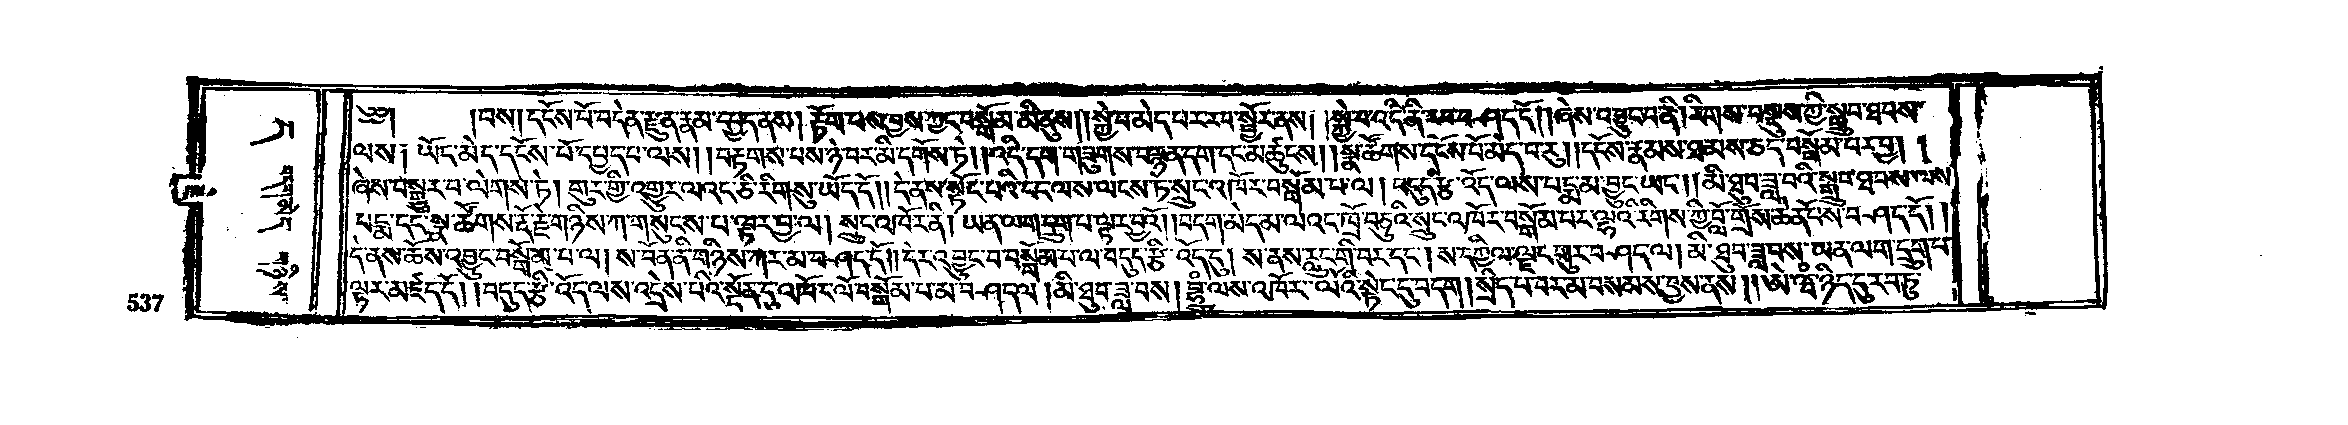༄༅། །བས། དངོས་པོ་བདེན་རྫུན་རྣམ་དཔྱད་ནས། རྟོག་པས་བྱས་ཀྱང་བསྒོམ་མི་ནུས། །སྐྱེ་བ་མེད་པར་རབ་སྦྱོར་ནས། །སྐྱེ་བ་འདི་ནི་རབ་བཤད་དོ། །ཞེས་འབྱུང་བ་ནི། རིགས་བསྡུས་ཀྱི་སྒྲུབ་ཐབས་
ལས། ཡོད་མེད་དངོས་པོ་དཔྱད་པ་ལས། །བརྟགས་པས་ཉེ་བར་མི་དགོས་ཏེ། །འདི་དག་གཟུགས་བརྙན་དག་དང་མཚུངས། །སྣ་ཚོགས་དངོས་པོ་མེད་པ་རུ། །དངོས་རྣམས་ཐམས་ཅད་བསྒོམ་པར་བྱ། །
ཞེས་བསྒྱུར་བ་ལེགས་ཏེ། གུར་གྱི་འགྱུར་ལའང་ཅི་རིགས་སུ་ཡོད་དོ། །དེ་ནས་སྟོང་པའི་ངང་ལས་ལངས་ཏེ་སྲུང་འཁོར་བསྒོམ་པ་ལ། བདུད་རྩི་འོད་ལས་པདམ་མ་བྱུང་ཡང་། །མི་ཐུབ་ཟླ་བའི་སྒྲུབ་ཐབས་ལས་
པདམ་དང་སྣ་ཚོགས་རྡོ་རྗེ་གཉིས་ཀ་གསུངས་པ་ལྟར་བྱ་ལ། སྲུང་འཁོར་ནི། ཡན་ལག་དྲུག་པ་ལྟར་བྱའོ། །བདག་མེད་མ་ལའང་ཁྲོ་བཅུའི་སྲུང་འཁོར་བསྒོམ་པར་ལྷའི་རིགས་ཀྱི་བློ་གྲོས་ཆེན་པོས་བཤད་དོ། །
དེ་ནས་ཆོས་འབྱུང་བསྒོམ་པ་ལ། ས་བོན་ནི་གཉིས་ཀར་མ་བཤད་དོ། །དེར་འབྱུང་བ་བསྒོམ་པ་ལ་བདུད་རྩི་འོད་དུ། ས་ནས་རླུང་གི་བར་དང་། ས་དཀྱིལ་ལྗང་གུར་བཤད་ལ། མི་ཐུབ་ཟླ་བས་ཡན་ལག་དྲུག་པ་
ལྟར་མཛད་དོ། །བདུད་རྩི་འོད་ལས་འདྲེས་པའི་སྔོན་དུ་འཁོར་ལོ་བསྒོམ་པ་མ་བཤད་ལ། མི་ཐུབ་ཟླ་བས། བྷུཾ་ལས་འཁོར་ལོའི་སྟེང་དུ་བདག །སྲིད་པ་བར་མ་བསམས་བྱས་ནས། །ཨེ་ཝཾ་ཉིད་དུ་རབ་ཏུ་